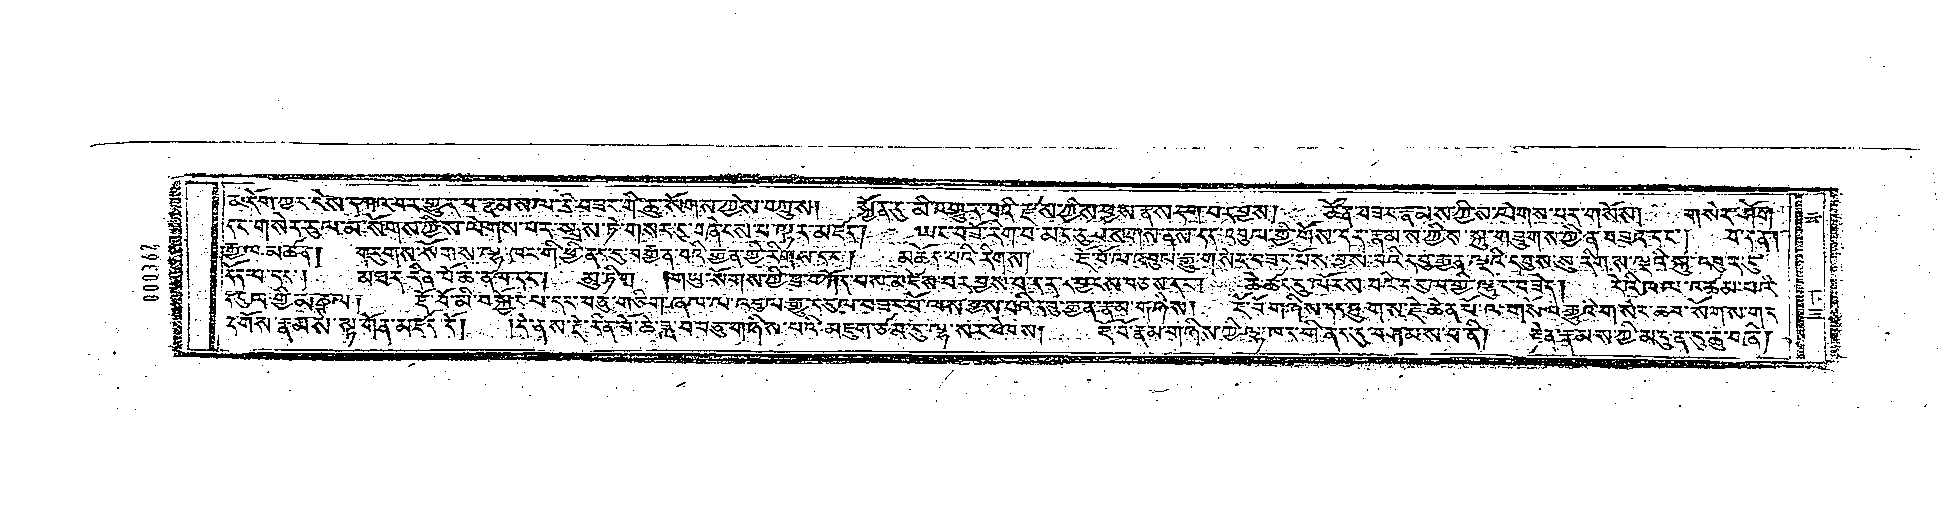མདོག་ཀྱང་དེས་དཀའ་བར་གྱུར་པ་རྣམས་ལ་དྲི་བཟང་གི་ཆུ་སོགས་ཀྱིས་བཀྲུས། སྐྱོན་དུ་མི་འགྱུར་བའི་རྫས་ཀྱིས་ཕྱས་རྣཾས་དག་པར་བྱས། ཚོན་བཟང་རྣམས་ཀྱིས་ལེགས་པར་གསོས། །གསེར་ཤོག་
དང་གསེར་དུལ་མ་སོགས་ཀྱིས་ལེགས་པར་སྤྲས་ཏེ་གསར་དུ་བཞེངས་པ་ལྟར་མཛད། ཡང་བཟོ་རིག་བ་མང་དུ་བསགས་ནས་དད་འབུལ་གྱི་གོས་དར་རྣམས་ཀྱིས་སྐུ་གཟུགས་ཀྱི་ན་བཟའ་དང་། བ་དན།
རྒྱལ་མཚན། གདུགས་སོགས་ལྷ་ཁང་གི་ཕྱི་ནང་དུ་བརྒྱན་བའི་རྒྱན་གྱི་རིགས་དང་། མཆོད་པའི་རིགས། ཇོ་བོ་ལ་འབུལ་རྒྱུ་གསེར་བཟང་པོས་བྱས་པའི་དབུ་རྒྱན་ལྔའི་དབུས་སུ་རིགས་ལྔའི་སྐུ་འབུར་དུ་
དོད་པ་དང་། མཐར་རིན་པོ་ཆེ་ན་ལ་དང་། མུ་ཏིག །གཡུ་སོགས་ཀྱི་ཕྲ་བཀོད་པས་མཛེས་པར་བྱས་པ་དར་དཔྱངས་བཅས་དང་། ཆེ་ཚད་དུ་ལོངས་པའི་དངུལ་གྱི་ལྷུང་བཟེད། དེའི་ཁལ་འཚམ་པའི་
དངུལ་གྱི་མཎྜལ། ཇོ་བོ་མི་བསྐྱོད་པ་དང་བཅུ་གཅིག་ཞལ་ལ་འབུལ་གྱུ་དངུལ་བཟང་པོ་ལས་བྱས་པའི་དབུ་རྒྱན་རྣམ་གཉིས། ཇོ་བོ་གཉིས་དང་ཐུགས་རྗེ་ཆེན་པོ་ལ་གསོལ་རྒྱུའི་གསེར་ཆབ་སོགས་གང་
དགོས་རྣམས་སྟ་གོན་མཛད་དོ། །དེ་ནས་རྗེ་རིན་པོ་ཆེ་ཟླ་བ་བཅུ་གཉིས་པའི་མཇུག་ཙམ་དུ་ལྷ་སར་ཕེབས། ཇོ་བོ་རྣམ་གཉིས་ཀྱི་ལྷ་ཁང་གི་ནང་དུ་བ་ཤམས་པ་ནི། རྟེན་རྣམས་ཀྱི་མདུན་དུ་ཆུ་བཞི།